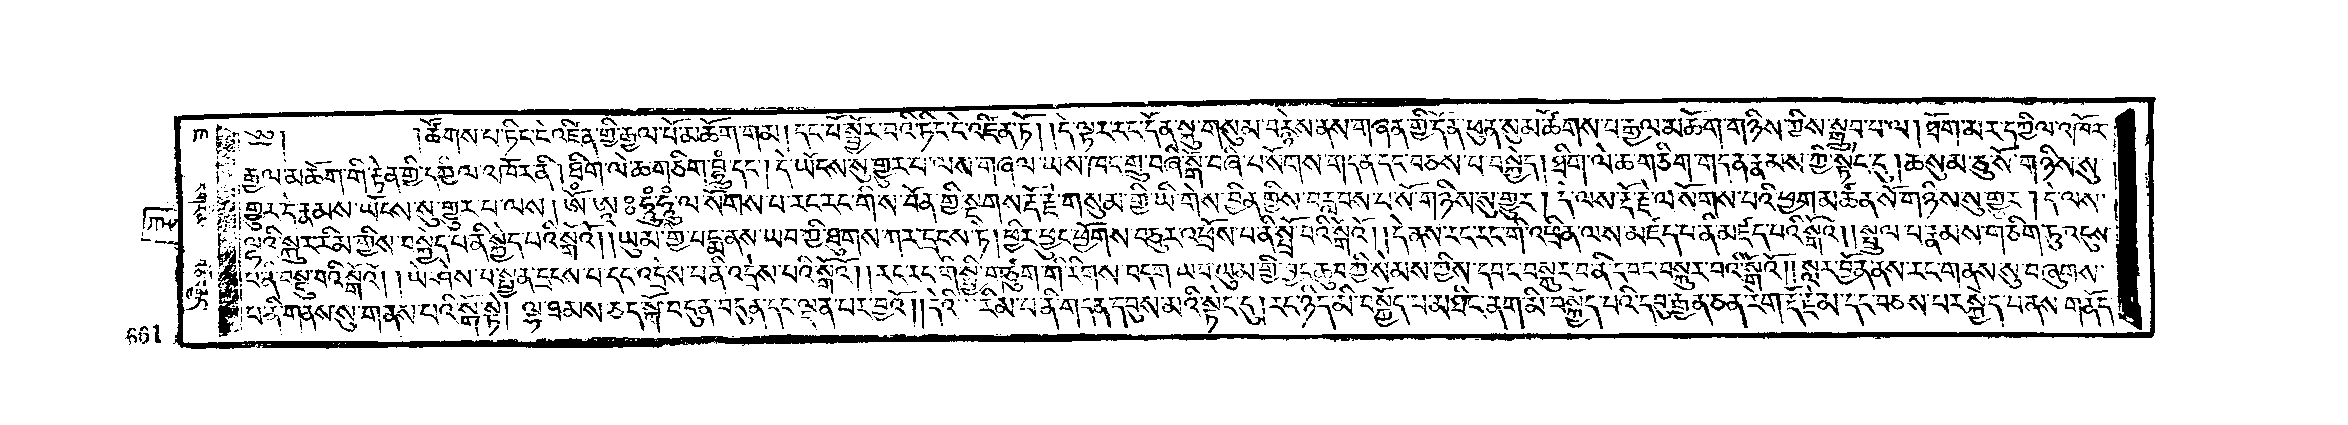༄༅། །ཚོགས་པ་ཏིང་ངེ་འཛིན་གྱི་རྒྱལ་པོ་མཆོག་གམ། དང་པོ་སྦྱོར་བའི་ཏིང་ངེ་འཛིན་ཏོ། །དེ་ལྟར་རང་དོན་སྐུ་གསུམ་བརྙེས་ནས་གཞན་གྱི་དོན་ཕུན་སུམ་ཚོགས་པ་རྒྱལ་མཆོག་གཉིས་ཀྱིས་སྒྲུབ་པ་ལ། ཐོག་མར་དཀྱིལ་འཁོར་
རྒྱལ་མཆོག་གི་རྟེན་གྱི་དཀྱིལ་འཁོར་ནི། ཐིག་ལེ་ཆ་གཅིག་བྷྲུཾ་དང་། དེ་ཡོངས་སུ་གྱུར་པ་ལས་གཞལ་ཡས་ཁང་གྲུ་བཞི་སྒོ་བཞི་པ་སོགས་གདན་དང་བཅས་པ་བསྐྱེད། ཐིག་ལེ་ཆ་གཅིག་གདན་རྣམས་ཀྱི་སྟེང་དུ། ཆ་སུམ་ཅུ་སོ་གཉིས་སུ་
གྱུར་དེ་རྣམས་ཡོངས་སུ་གྱུར་པ་ལས། ཨོཾ་ཨཱཿ ཧཱུཾ་ཧཱུཾ་ལ་སོགས་པ་རང་རང་གི་ས་བོན་གྱི་སྔགས་རྡོ་རྗེ་གསུམ་གྱི་ཡི་གེས་བྱིན་གྱིས་བརླབས་པ་སོ་གཉིས་སུ་གྱུར། དེ་ལས་རྡོ་རྗེ་ལ་སོགས་པའི་ཕྱག་མཚན་སོ་གཉིས་སུ་གྱུར། དེ་ལས་
ལྷའི་སྐུར་རིམ་གྱིས་བསྐྱེད་པ་ནི་སྐྱེད་པའི་སྒོའོ། །ཡུམ་གྱི་པདམ་ནས་ཡབ་ཀྱི་ཐུགས་ཀར་དྲངས་ཏེ། ཕྱིར་ཕྱུང་ཕྱོགས་བཅུར་འཕྲོས་པ་ནི་སྤྲོ་བའི་སྒོའོ། །དེ་ནས་རང་རང་གི་འཕྲིན་ལས་མཛད་པ་ནི་མཛད་པའི་སྒོའོ། །སྤྲུལ་པ་རྣམས་གཅིག་ཏུ་འདུས་
པ་ནི་བསྡུ་བའི་སྒོའོ། །ཡེ་ཤེས་པ་སྤྱན་དྲངས་པ་དང་འདྲེས་པ་ནི་འདྲེས་པའི་སྒོའོ། །རང་རང་གི་སྤྱི་གཙུག་གི་རིགས་བདག་ཡབ་ཡུམ་གྱི་བྱང་ཆུབ་ཀྱི་སེམས་ཀྱིས་དབང་བསྐུར་བ་ནི་དབང་བསྐུར་བའི་སྒོའོ། །སླར་བྱོན་ནས་རང་གནས་སུ་བཞུགས་
པ་ནི་གནས་སུ་གནས་པའི་སྒོ་སྟེ། ལྷ་ཐམས་ཅད་སྒོ་བདུན་བདུན་དང་ལྡན་པར་བྱའོ། །དེའི་རིམ་པ་ནི་གདན་དབུས་མའི་སྟེང་དུ། རང་ཉིད་མི་བསྐྱོད་པ་མཐིང་ནག་མི་བསྐྱོད་པའི་དབུ་རྒྱན་ཅན་རེག་རྡོ་རྗེ་མ་དང་བཅས་པར་སྐྱད་པ་ནས་གནོད་